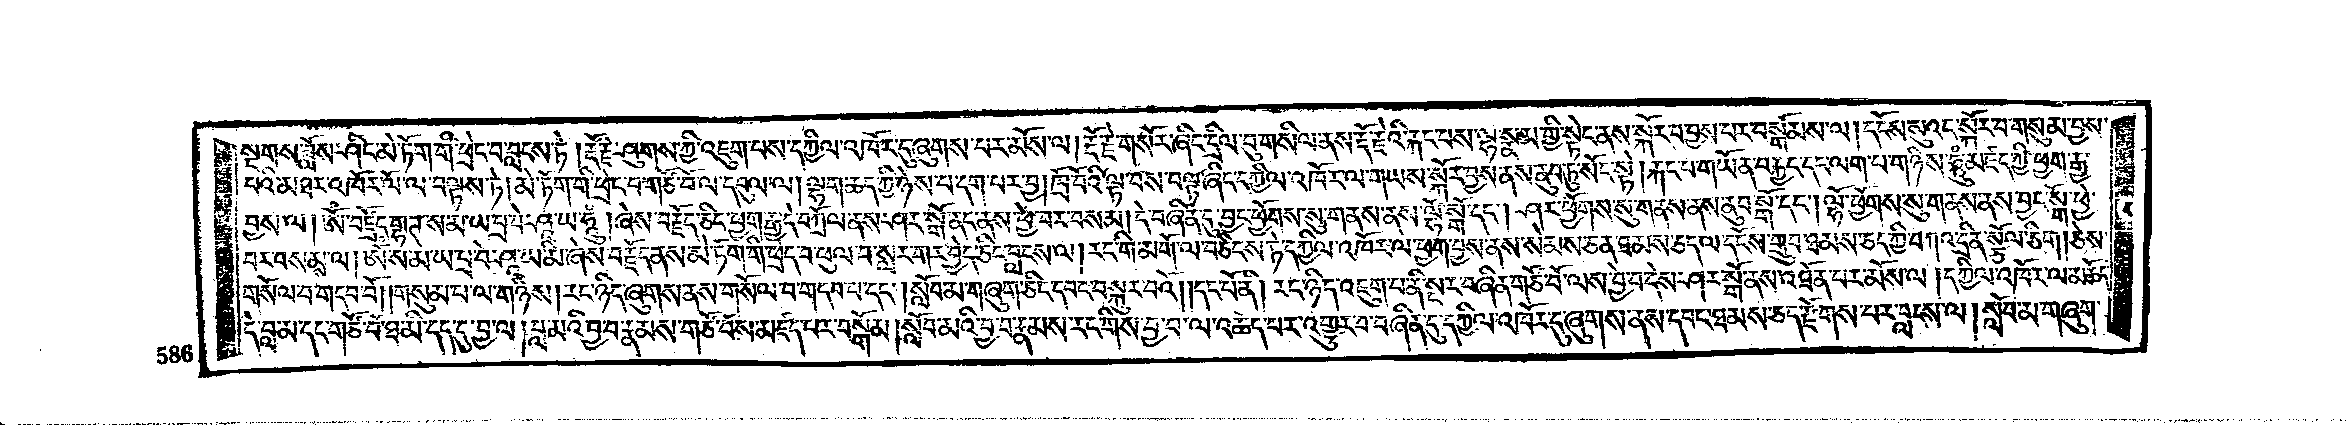སྔགས་ཟློས་ཤིང་མེ་ཏོག་གི་ཕྲེང་བ་བླངས་ཏེ། རྡོ་རྗེ་ཤུགས་ཀྱི་འཇུག་པས་དཀྱིལ་འཁོར་དུ་ཞུགས་པར་མོས་ལ། རྡོ་རྗེ་གསོར་ཞིང་དྲིལ་བུ་གསིལ་ནས་རྡོ་རྗེའི་རྐང་པས་ལྷ་སྣམ་གྱི་སྟེང་ནས་སྐོར་བ་བྱས་པར་བསྒོམས་ལ། དངོས་སུའང་སྐོར་བ་གསུམ་བྱས་
པའི་མཐར་འཁོར་ལོ་ལ་བལྟས་ཏེ། མེ་ཏོག་གི་ཕྲེང་བ་གཙོ་བོ་ལ་དབུལ་ལ། ལྷག་ཆད་ཀྱི་ཉེས་པ་དག་པར་བྱ། ཁྲོ་བོའི་ལྟ་བས་བལྟ་ཞིང་དཀྱིལ་འཁོར་ལ་གཡས་སྐོར་བྱས་ནས་ནུབ་ཏུ་སོང་སྟེ། རྐང་པ་གཡོན་བརྐྱང་དང་ལག་པ་གཉིས་ཧཱུཾ་མཛད་ཀྱི་ཕྱག་རྒྱ་
བྱས་ལ། ཨོཾ་བཛྲོད་གྷ་ཊ་ས་མ་ཡ་པྲ་པེ་ཤཱ་ཡ་ཧཱུཾ། ཞེས་བརྗོད་ཅིང་ཕྱག་རྒྱ་དེ་བཀྲོལ་ནས་ཤར་སྒོ་ནང་ནས་ཕྱེ་བར་བསམ། དེ་བཞིན་དུ་བྱང་ཕྱོགས་སུ་གནས་ནས་ལྷོ་སྒོ་དང་། ཤར་ཕྱོགས་སུ་གནས་ནས་ནུབ་སྒོ་དང་། ལྷོ་ཕྱོགས་སུ་གནས་ནས་བྱང་སྒོ་ཕྱེ་
བར་བསམས་ལ། ཨོཾ་ས་མ་ཡ་པྲ་བེ་ཤཱ་ཡ་མི་ཞེས་བརྗོད་ནས་མེ་ཏོག་གི་ཕྲེད་བ་ཕུལ་བ་སླར་གར་བྱེད་ཅིང་བླངས་ལ། རང་གི་མགོ་ལ་བཅིངས་ཏེ་དཀྱིལ་འཁོར་ལ་ཕྱག་བྱས་ནས་སེམས་ཅན་ཐམས་ཅད་ལ་དངོས་གྲུབ་ཐམས་ཅད་ཀྱི་བཀའ་དྲིན་སྩོལ་ཅིག །ཅེས་
གསོལ་བ་གདབ་བོ། །གསུམ་པ་ལ་གཉིས། རང་ཉིད་ཞུགས་ནས་གསོལ་བ་གདབ་པ་དང་། སློབ་མ་གཞུག་ཅིང་དབང་བསྐུར་བའོ། །དང་པོ་ནི། རང་ཉིད་འཇུག་པ་ནི་སྔར་བཞིན་གཙོ་བོ་ལས་བྱེ་བ་དེས་ཤར་སྒོ་ནས་འཐོན་པར་མོས་ལ། དཀྱིལ་འཁོར་ལ་མཆོད་
དེ་བླ་མ་དང་གཙོ་བོ་ཐ་མི་དད་དུ་བྱ་ལ། བླ་མའི་བྱ་བ་རྣམས་གཙོ་བོས་མཛད་པར་བསྒོམ། སློབ་མའི་བྱ་བ་རྣམས་རང་གིས་བྱ་བ་ལ་འཆད་པར་འགྱུར་བ་བཞིན་དུ་དཀྱིལ་འཁོར་དུ་ཞུགས་ནས་དབང་ཐམས་ཅད་རྫོགས་པར་བླངས་ལ། སློབ་མ་གཞུག་